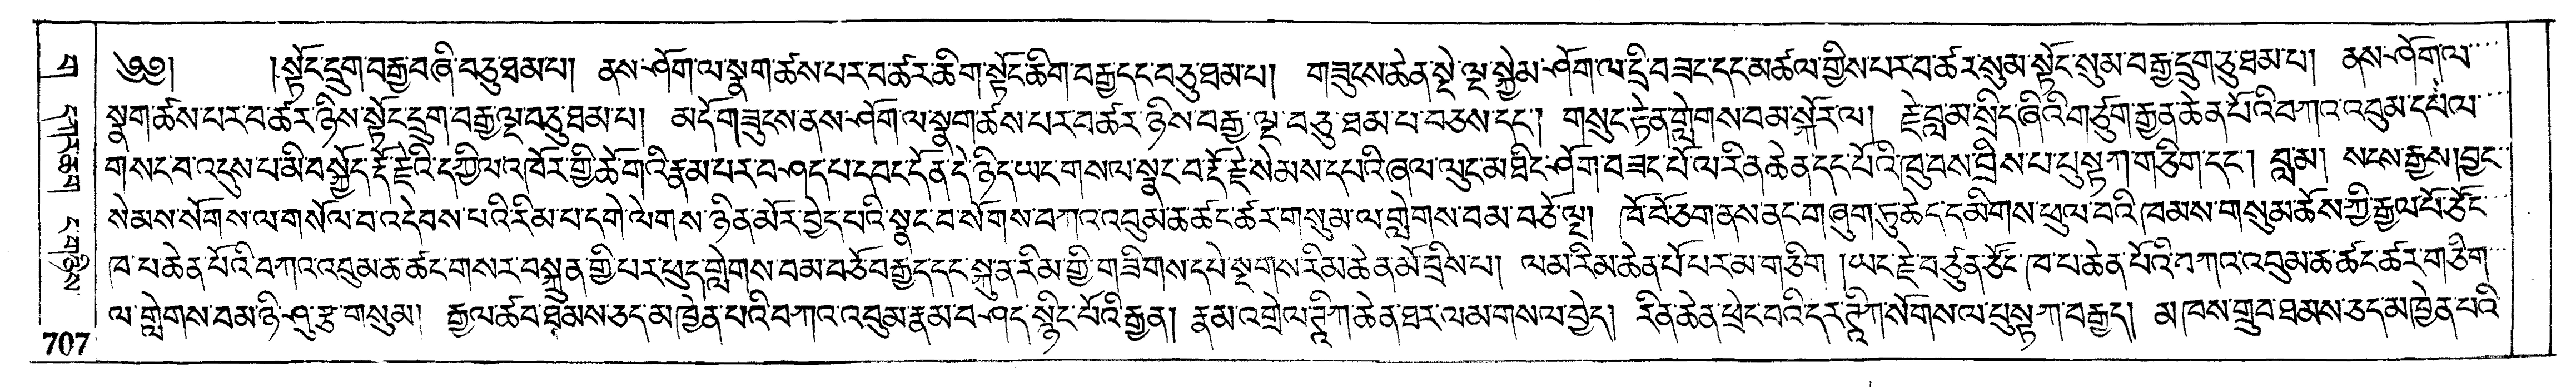༄༅། །སྟོང་དྲུག་བརྒྱ་བཞི་བཅུ་ཐམ་པ། ནས་ཤོག་ལ་སྣག་ཚས་པར་བ་ཚར་ཆིག་སྟོང་ཆིག་བརྒྱ་དང་བཅུ་ཐམ་པ། གཟུངས་ཆེན་སྡེ་ལྔ་སྐྱེམ་ཤོག་ལ་དྲི་བཟང་དང་མཚལ་གྱིས་པར་བ་ཚར་སུམ་སྟོང་སུམ་བརྒྱ་དྲུག་ཅུ་ཐམ་པ། ནས་ཤོག་ལ་
སྣག་ཚས་པར་བ་ཚར་ཉིས་སྟོང་དྲུག་བརྒྱ་ལྔ་བཅུ་ཐམ་པ། མདོ་གཟུངས་ནས་ཤོག་ལ་སྣག་ཚས་པར་བ་ཚར་ཉིས་བརྒྱ་ལྔ་བཅུ་ཐམ་པ་བཅས་དང་། གསུང་རྟེན་གླེགས་བམ་སྐོར་ལ། རྗེ་བླ་མ་སྲིད་ཞིའི་གཙུག་རྒྱན་ཆེན་པོའི་བཀའ་འབུམ་དཔལ་
གསང་བ་འདུས་པ་མི་བསྐྱོད་རྡོ་རྗེའི་དཀྱིལ་འཁོར་གྱི་ཆོ་གའི་རྣམ་པར་བཤད་པ་དབང་དོན་དེ་ཉིད་ཡང་གསལ་སྣང་བ་རྡོ་རྗེ་སེམས་དཔའི་ཞལ་ལུང་མཐིང་ཤོག་བཟང་པོ་ལ་རིན་ཆེན་དང་པོའི་ཁུ་བས་བྲིས་པ་པུསྟ་ཀ་གཅིག་དང་། བླ་མ། སངས་རྒྱས། བྱང་
སེམས་སོགས་ལ་གསོལ་བ་འདེབས་པའི་རིམ་པ་དགེ་ལེགས་ཉིན་མོར་བྱེད་པའི་སྣང་བ་སོགས་བཀའ་འབུམ་ཆ་ཚང་ཚར་གསུམ་ལ་གླེགས་བམ་བཅོ་ལྔ། ཁོ་བོ་ཅག་ནས་ནང་གཞུག་ཏུ་ཆེད་དམིགས་ཕུལ་བའི་ཁམས་གསུམ་ཆོས་ཀྱི་རྒྱལ་པོ་ཙོང་
ཁ་པ་ཆེན་པོའི་བཀའ་འབུམ་ཆ་ཚང་གསར་བསྐྲུན་གྱི་པར་ཕུང་གླེགས་བམ་བཅོ་བརྒྱད་དང་སྐུ་ན་རིམ་གྱི་གཟིགས་དཔེ་སྔགས་རིམ་ཆེན་མོ་བྲིས་མ། ལམ་རིམ་ཆེན་མོ་བར་མ་གཅིག །ཡང་རྗེ་བཙུན་ཙོང་ཁ་པ་ཆེན་པོའི་བཀའ་འབུམ་ཆ་ཚང་ཚར་གཅིག་
ལ་གླེགས་བམ་ཉི་ཤུ་རྩ་གསུམ། རྒྱལ་ཚབ་ཐམས་ཅད་མཁྱེན་པའི་བཀའ་འབུམ་རྣམ་བཤད་སྙིང་པོའི་རྒྱན། རྣམ་འགྲེལ་ཊཱིཀ་ཆེན་ཐར་ལམ་གསལ་བྱེད། རིན་ཆེན་ཕྲེང་བའི་དར་ཊཱིཀ་སོགས་ལ་པུསྟ་ཀ་བརྒྱད། མཁས་གྲུབ་ཐམས་ཅད་མཁྱེན་པའི་